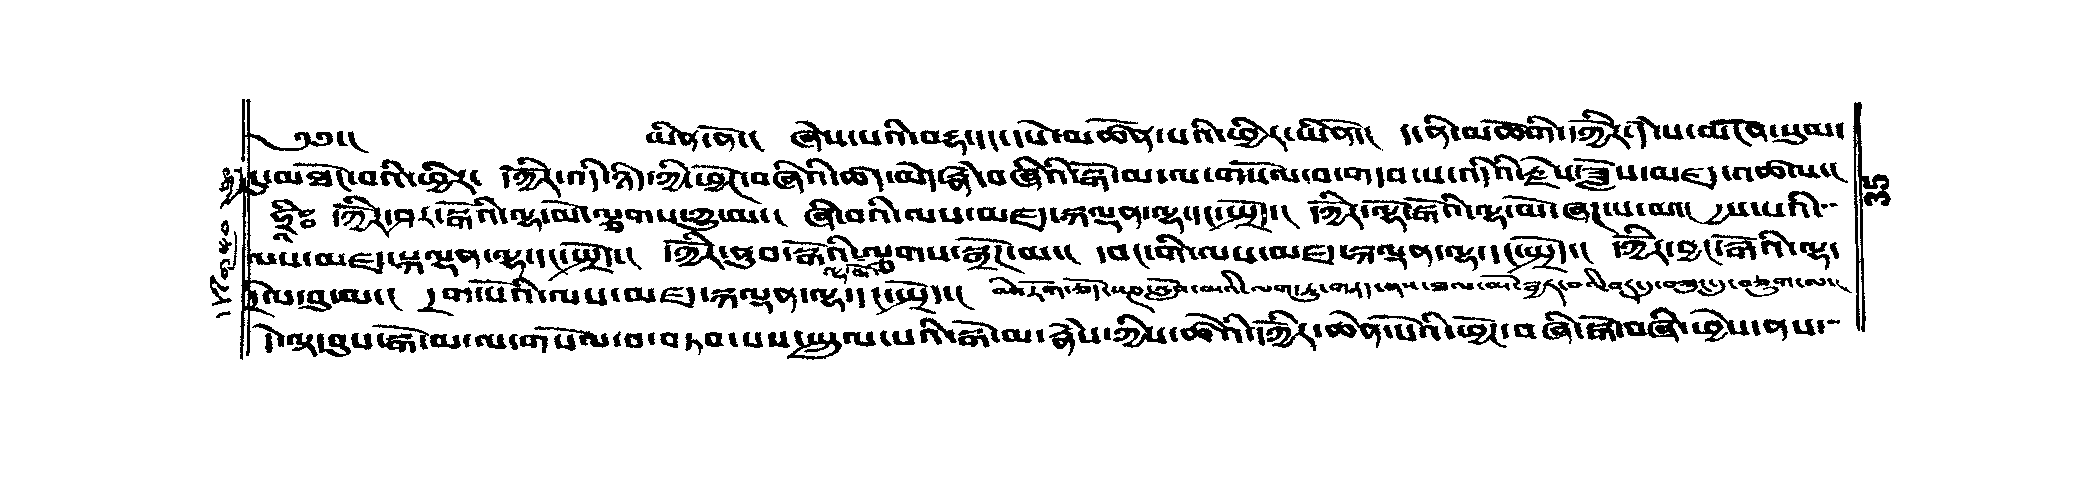ཡིན་ནོ། ཞེས་པའི་བརྡ་དང་དཔེ་མཚོན་པའི་ཕྱིར་ཡིན་ནོ། ད་ནི་མཆོག་གི་དཀྱིལ་འཁོར་དམ་པ་མངོན་སུམ་
དུ་མཐོང་བའི་ཕྱིར། དཀྱིལ་འཁོར་འདི་ཉིད་ཀྱི་ཕྱོགས་བཞིའི་ཚད་མེད་རྣམ་བཞིའི་སྒོ་མ་ལ་གསོལ་བ་གདབ་པ་འདིའི་རྗེས་ཟློས་མཛད་འཚལ། 
ཧྲཱིཿ དཀྱིལ་འཁོར་ཤར་སྒོའི་ལྷ་མོ་ལྕགས་ཀྱུ་མ། ཞི་བའི་ལས་མཛད་སྐལ་ལྡན་ལྷ་དང་སྤྲོད། དཀྱིལ་འཁོར་ལྷོ་སྒོའི་ལྷ་མོ་ཞགས་པ་མ། རྒྱས་པའི་
ལས་མཛད་སྐལ་ལྡན་ལྷ་དང་སྤྲོད། དཀྱིལ་འཁོར་ནུབ་སྒོའི་ལྷ་མོ་ལྕགས་སྒྲོགས་མ། དབང་གི་ལས་མཛད་སྐལ་ལྡན་ལྷ་དང་སྤྲོད། དཀྱིལ་འཁོར་བྱང་སྒོའི་ལྷ་
དྲིལ་བུ་མ། དྲག་པོའི་ལས་མཛད་སྐལ་ལྡན་ལྷ་དང་སྤྲོད། མེ་ཏོག་ཅོད་པཎ་སློབ་མའི་ལག་ཏུ་གཏད་ནས་ཐལ་མོ་སྦྱར་བའི་བར་དུ་བཟུང་དུ་བཅུག་ལ། 
དེ་ལྟ་བུས་སྒོ་མ་ལ་གསོལ་བ་བཏབ་པས་སྤྲུལ་པའི་སྒོ་མ་རྣམས་ཀྱིས་ཚེའི་དཀྱིལ་འཁོར་ཆེན་པོའི་ཕྱོགས་བཞི་སྒོ་བཟི་ཕྱེས་ནས་